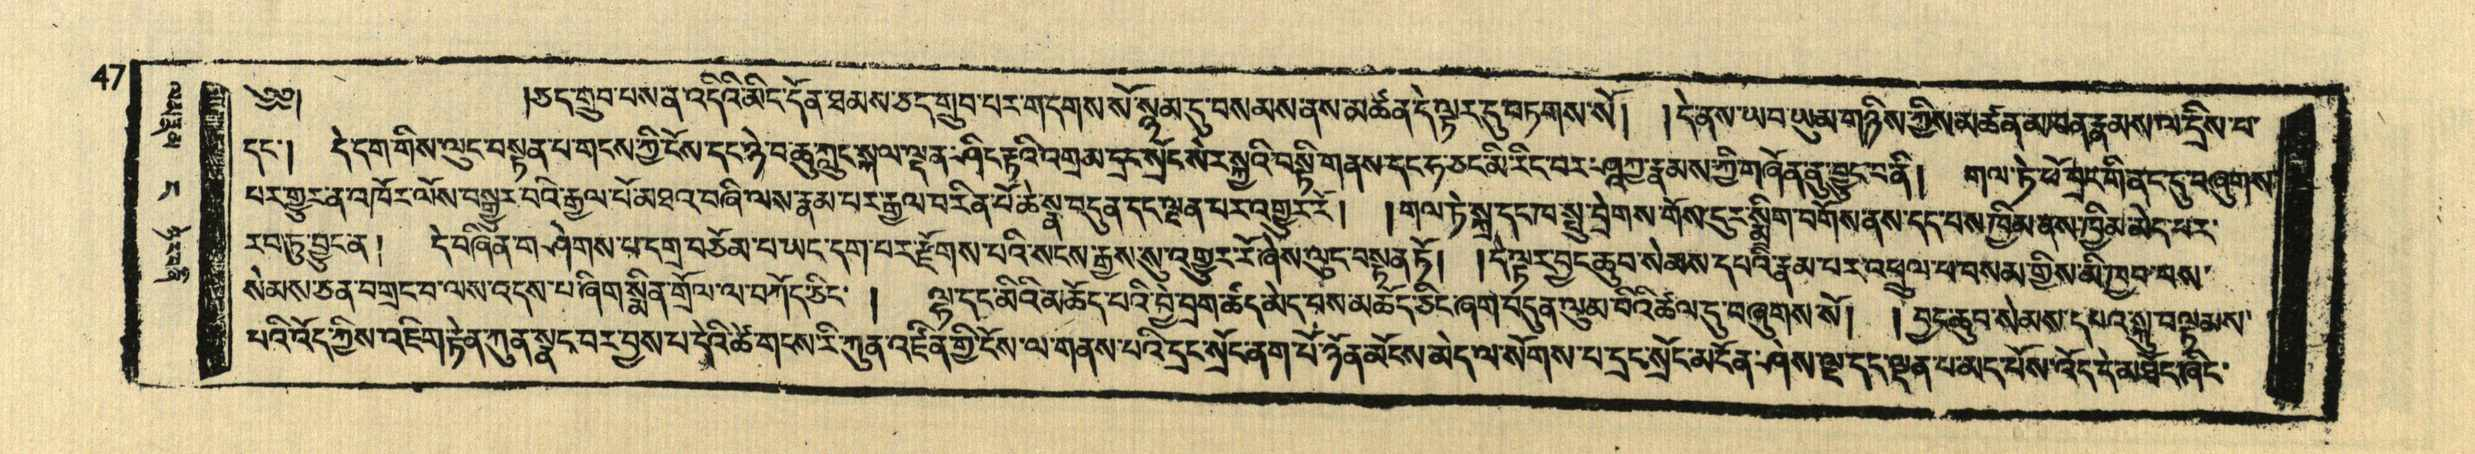༄༅། །ཅད་གྲུབ་པས་ན་འདིའི་མིང་དོན་ཐམས་ཅད་གྲུབ་པར་གདགས་སོ་སྙམ་དུ་བསམས་ནས་མཚན་དེ་ལྟར་དུ་བཏགས་སོ། །དེ་ནས་ཡབ་ཡུམ་གཉིས་ཀྱིས་མཚན་མཁན་རྣམས་ལ་དྲིས་པ་
དང་། དེ་དག་གིས་ལུང་བསྟན་པ་གངས་ཀྱི་ངོ་དང་ཉེ་བ་ཆུ་ཀླུང་སྐལ་ལྡན་ཤིང་རྟའི་འགྲམ་དྲང་སྲོང་སེར་སྐྱའི་བསྟི་གནས་དང་ཧ་ཅང་མི་རིང་བར་ཤཱཀྱ་རྣམས་ཀྱི་གཞོན་ནུ་བྱུང་བ་ནི། གལ་ཏེ་ཕོ་བྲང་གི་ནང་དུ་བཞུགས་
པར་གྱུར་ན་འཁོར་ལོས་བསྒྱུར་བའི་རྒྱལ་པོ་མཐའ་བཞི་ལས་རྣམ་པར་རྒྱལ་བ་རིན་པོ་ཆེ་སྣ་བདུན་དང་ལྡན་པར་འགྱུར་རོ། །གལ་ཏེ་སྐྲ་དང་ཁ་སྤུ་བྲེགས་གོས་དུར་སྨྲིག་བགོས་ནས་དད་པས་ཁྱིམ་ནས་ཁྱིམ་མེད་པར་
རབ་ཏུ་བྱུང་ན། དེ་བཞིན་གཤེགས་པ་དགྲ་བཅོམ་པ་ཡང་དག་པར་རྫོགས་པའི་སངས་རྒྱས་སུ་འགྱུར་རོ་ཞེས་ལུང་བསྟན་ཏོ། །དེ་ལྟར་བྱང་ཆུབ་སེམས་དཔའི་རྣམ་པར་འཕྲུལ་པ་བསམ་གྱིས་མི་ཁྱབ་པས་
སེམས་ཅན་བགྲང་བ་ལས་འདས་པ་ཞིག་སྨིན་གྲོལ་ལ་བཀོད་ཅིང་། ལྷ་དང་མིའི་མཆོད་པའི་བྱེ་བྲག་ཚད་མེད་པས་མཆོད་ཅིང་ཞག་བདུན་ལུམ་བའི་ཚལ་དུ་བཞུགས་སོ། །བྱང་ཆུབ་སེམས་དཔའ་སྐུ་བལྟམས་
པའི་འོད་ཀྱིས་འཇིག་རྟེན་ཀུན་སྣང་བར་བྱས་པ་དེའི་ཚེ་གངས་རི་ཀུན་འཛིན་གྱི་ངོས་ལ་གནས་པའི་དྲང་སྲོང་ནག་པོ་ཉོན་མོངས་མེད་ལ་སོགས་པ་དྲང་སྲོང་མངོན་ཤེས་ལྔ་དང་ལྡན་པ་མང་པོས་འོད་དེ་མཐོང་ཞིང་